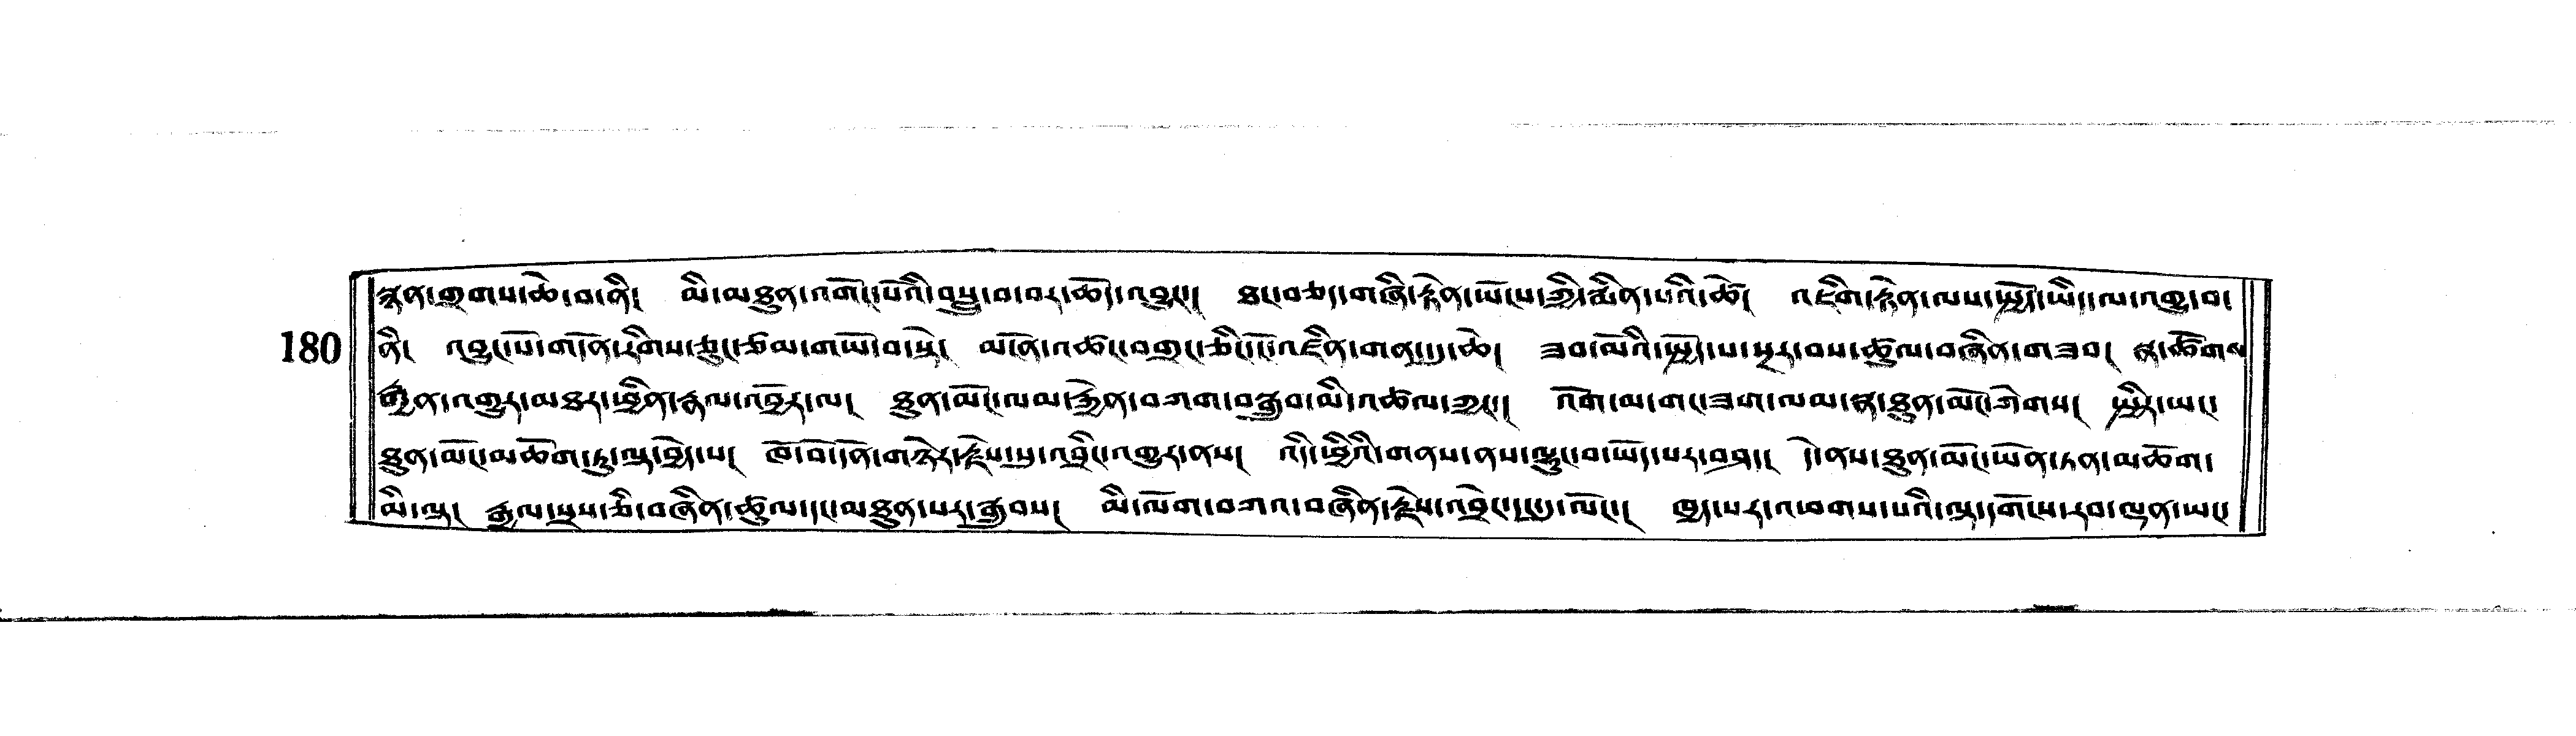སྙན་གྲགས་ཆེ་བ་ནི། མི་མཐུན་འགོང་པོའི་བསླུ་བ་བར་ཆོད་འབྱུང་། ཐང་བཅད་གཞི་རྟེན་ཡོངས་སུ་སྨིན་པའི་ཚེ། འཇིག་རྟེན་ལས་སྤྱོད་ཡིད་ལ་འགྱུ་བ་
ནི། འབྱུང་པོ་གདོན་རིགས་ཅུང་ཙམ་གཡོ་བ་སྟེ། མངོན་འཚང་བགྲང་ཅིང་ངོ་འཛིན་གནད་དུ་ཆེ། ཟབ་མོའི་སྤྱོད་པ་སྔར་བས་ཚུལ་བཞིན་གཟབ། སྣ་ཚོགས་
རྒྱན་འགྱུར་མཐར་ཕྱིན་རྣལ་འབྱོར་ལ། ཐུན་མོང་ལམ་རྐྱེན་བཀག་སྒྲུབ་མི་འཚལ་ཀྱང་། འོག་མ་གང་ཟག་ལམ་སྣ་ཐུན་མོངས་ཀེག སྤྱིར་ཡང་
ཐུན་མོང་མཆོག་ཏུ་ལྟ་བྱེད་པ། ཁོ་བོ་དོན་གཉེར་རྗེས་སུ་འབྲེང་གྱུར་ནས། འདིའི་ཕྱིའི་གནས་ནས་ལྷུང་བ་ཡོད་པར་བཤད། དེ་ནས་ཐུན་མོང་ཡོན་ཏན་མཆོག་
མི་ལྟ། རྒྱལ་སྲས་ཅི་བཞིན་ཚུལ་དང་མཐུན་པར་སྒྲུབས། མི་ལོག་བཀའ་དྲིན་རྗེས་འབྲེང་དང་དུ་ལོངས། ཁྱད་པར་འཕགས་པའི་ལྟ་དགོངས་རབ་ལྡན་ཡང་།